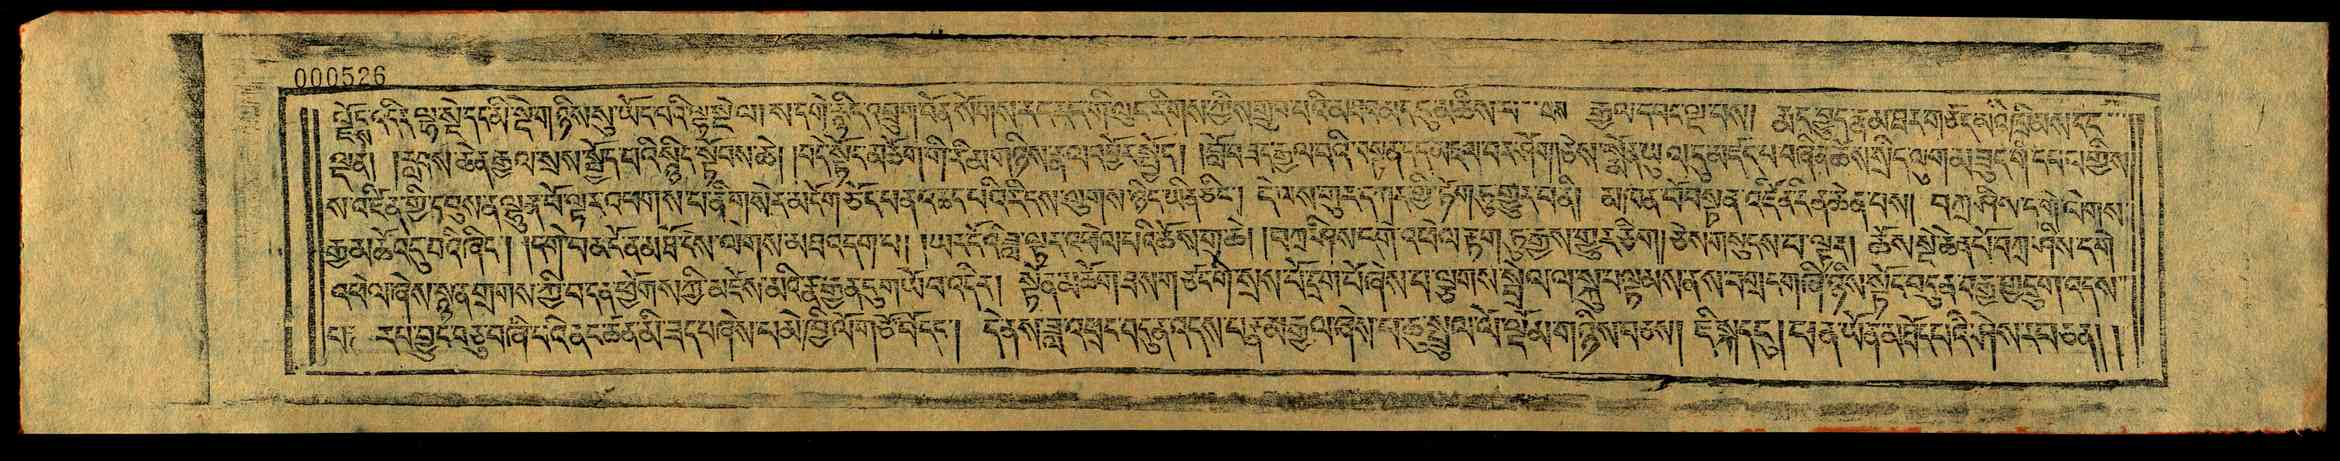ལྗོངས་འདིར་ལྷ་སྡེ་གཉིས་སུ་ཡོད་པའི་ལྷ་སྡེ་ལ། ས་དགེར་ཉིད་འབྲུག་བོ་ན་སོགས་རང་རང་གི་ལུང་རིགས་ཀྱིས་གྲུབ་པའི་མཐའ་མང་དུ་མཆིས་བ་ལས། རྒྱལ་དབང་ལྔ་པས། རྨད་བྱུང་རྣམ་ཐར་གཙང་མའི་ཁྲིམས་དང་
ལྡན། །རླབས་ཆེན་རྒྱལ་སྲས་སྤྱོད་པའི་སྙིང་སྟོབས་ཆེ། །བདེ་སྟོང་མཆོག་གི་རིམ་གཉིས་རྣལ་འབྱོར་སྤྱོད། །བློ་བཟང་རྒྱལ་བའི་བསྟན་དང་མཇལ་བར་ཤོག། ཅེས་སྨིན་ཡུལ་དུ་མཛད་པའི་བཞིན་ཆོས་སྲིད་ལུགས་ཟུང་གི་དཔལ་གྱིས་
ས་འཛིན་གྱི་དབུས་ན་ལྷུན་པོ་ལྟར་འཕགས་པ་ནི་གསེར་མདོག་ཅོད་པན་འཆང་བའི་རིངས་ལུགས་ཉིད་ཡིན་ཅིང་། དེ་ལས་གུར་དཀར་གྱི་ཏོག་ཏུ་གྱུར་བ་ནི། མཁན་པོ་བསྟན་འཛིན་རིན་ཆེན་བས། བཀྲ་ཤིས་དགེ་ལེགས་
རྒྱ་མཚོ་འདུ་བའི་ཞིང་། །དགེ་བ་མངོན་མཐོ་ངེས་ལེགས་མཐའ་དག་པ། །ཡར་ངོའི་ཟླ་ལྟར་འཕེལ་བའི་ཆོས་གྲ་ཆེ། །བཀྲ་ཤིས་དགེ་འཕེལ་རྟག་ཏུ་རྒྱས་གྱུར་ཅིག །ཅེས་གསུངས་པ་ལྟར། ཆོས་སྡེ་ཆེན་པོ་བཀྲ་ཤེས་དགེ་
འཕེལ་ཞེས་སྙན་གྲགས་ཀྱི་བ་དན་ཕྱོགས་ཀྱི་མཛེས་མའི་རྣ་རྒྱན་དུ་གཡོ་བ་འདིར། སྟོན་མཆོག་ཟས་གཙང་གི་སྲས་པོ་དྲག་པོ་ཞེས་པ་ལྕགས་སྤྲེལ་ལ་སྐུ་བལྟམས་ནས་བགྲད་གཞི་ཉིས་སྟོང་བདུན་བརྒྱ་གྱ་དྲུག་འདས་
པ༑ རབ་བྱུང་བཅུ་བཞི་པའི་ནང་ཚན་མི་ཟད་བཞེས་པ་མེ་ཁྱི་ལོ་གཙོ་བོ་དང་། དེ་ནས་ཟླ་འཕྲེང་བདུན་འདས་པ་རྣམ་རྒྱལ་ཞེས་པ་ཆུ་སྦྲུལ་ལོ་ལྡེམ་གཉིས་བཅས། ཇི་སྐད་དུ། ཕན་ཡོན་མཐོང་བའི་ཤེས་རབ་ཅན། །